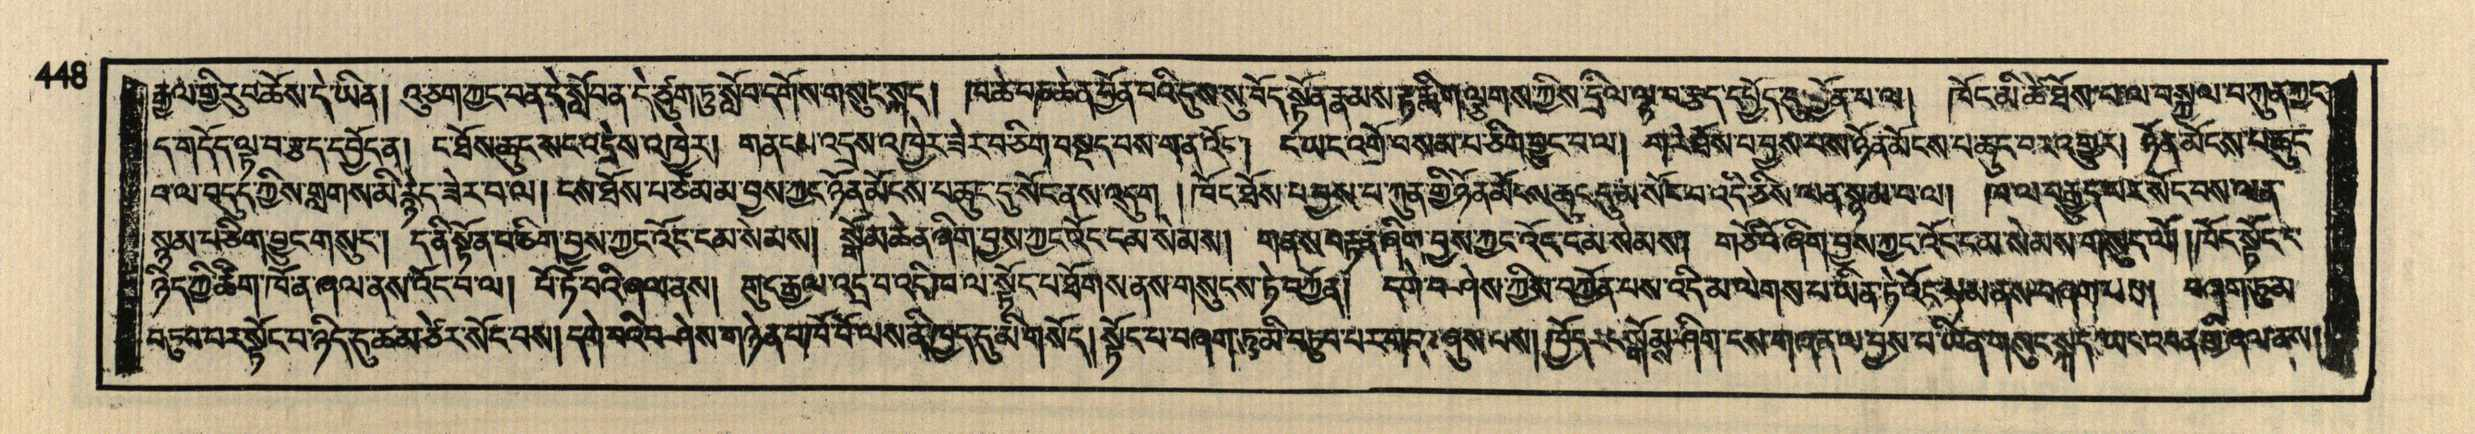རྒྱལ་གྱི་རུབ་ཆོས་དེ་ཡིན། འུ་ཅག་ཀྱང་བན་དེ་སློབ་ན་དེ་ཙུག་ཏུ་སློབ་དགོས་གསུང་སྐད། ཁ་ཆེ་པཎ་ཆེན་བྱོན་བའི་དུས་སུ་བོད་སྟོན་རྣམས་རྟ་རྨིག་ལྕགས་ཀྱིས་དྲིལ་ལྟ་བ་རྩད་དཔྱོད་དུ་བྱོན་པ་ལ། ཁོང་མི་ཚེ་ཐོས་པ་ལ་བསྐྱལ་བ་ཀུན་ཀྱང་
ད་གདོད་ལྟ་བ་རྩད་དབྱོད་ན། ང་ཐོས་ཆུང་སང་འདྲེས་འཁྱེར། གནང་པ?་འདྲས་འཁྱེར་ཟེར་བ་ཅིག་བསྡད་པས་ག་ན་འོང་། ང་ཡང་འགྲོ་བསམ་པ་ཅིག་བྱུང་བ་ལ། ག་རེ་ཐོས་པ་བྱས་པས་ཉོན་མོངས་པ་ཆུང་བར་འགྱུར། ཉོན་མོངས་པ་ཆུང་
བ་ལ་བདུད་ཀྱིས་གླགས་མི་རྙེད་ཟེར་བ་ལ། ངས་ཐོས་པ་ཙམ་མ་བྱས་ཀྱང་ཉོན་མོངས་པ་ཆུང་དུ་སོང་ནས་འདུག །ཁོང་ཐོས་པ་བྱས་པ་ཀུན་གྱི་ཉོན་མོངས་ཆུང་དུ་མ་སོང་བ་འདི་ཅིས་ལན་སྙམ་པ་ལ། ཁ་ལ་བརྒྱུད་པར་སོང་བས་ལན་
སྙམ་པ་ཅིག་བྱུང་གསུང་། ད་ནི་སྟོན་བ་ཅིག་བྱས་ཀྱང་འོང་ངམ་སེམས། སྒོམ་ཆེན་ཞིག་བྱས་ཀྱང་འོང་ངམ་སེམས། གནས་བརྟན་ཞིག་བྱས་ཀྱང་འོང་ངམ་སེམས། གཙོ་བོ་ཞིག་བྱས་ཀྱང་འོང་ངམ་སེམས་གསུང་ལོ། །ཁོང་སྟོང་ང་
ཉིད་ཀྱི་ཚིག་ཁོ་ན་ཞལ་ནས་འོང་བ་ལ། པོ་ཏོ་བའི་ཞལ་ནས། གུང་རྒྱལ་འདྲ་བ་འདི་ཁ་ལ་སྟོང་པ་ཐོགས་ནས་གསུངས་ཏེ་བཀྱོན། དགེ་བཤེས་ཀྱིས་བཀྱོན་པས་འདི་མ་ལེགས་པ་ཡིན་ཏེ་འོང་སྙམ་ནས་བཞག་པས། བཞག་ཏུ་མ་
བཏུབ་བར་སྟོང་བ་ཉིད་དུ་ཆམ་རྩེར་སོང་བས། དགེ་བའི་བཤེས་གཉེན་པ་ཁོ་བོ་ལས་ནི་ཁྱད་དུ་མི་གསོད། སྟོང་པ་བཞག་ཏུ་མི་བཏུབ་པར་གདའ་ཞུས་པས། ཁྱོད་རང་སྒོམས་ཤིག་ངས་གཞན་ལ་བྱས་པ་ཡིན་གསུང་སྐད་ཡང་འབན་གྱི་ཞལ་ནས།